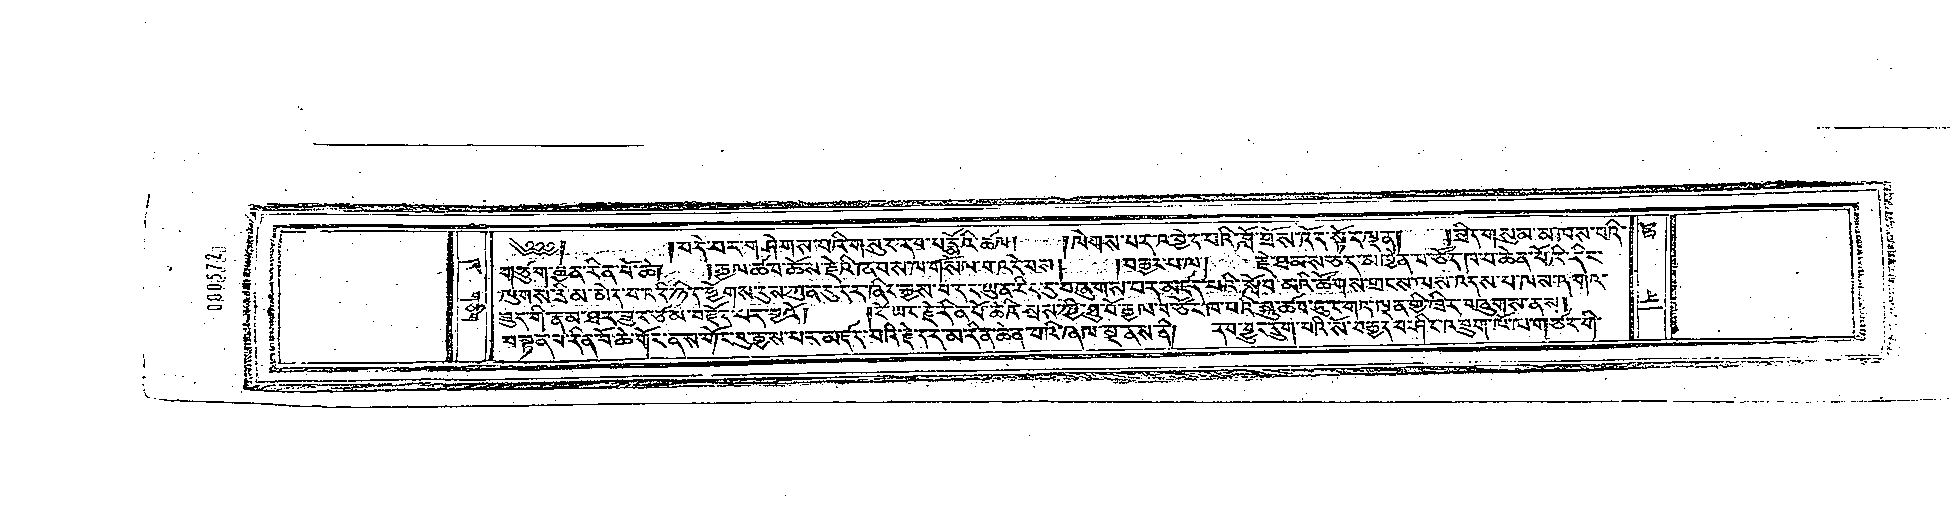༄༅༅། །བདེ་བར་གཤེགས་པའི་གསུང་རབ་པདམོའི་ཚུལ། །ལེགས་པར་འབྱེད་པའི་བློ་གྲོས་འོད་སྟོང་ལྡན། །སྲིད་གསུམ་མཁས་པའི་
གཙུག་རྒྱན་རིན་པོ་ཆེ། །རྒྱལ་ཚབ་ཆོས་རྗེའི་ཞབས་ལ་གསོལ་བ་འདེབས། །བརྒྱད་པ་ལ། རྗེ་ཐམས་ཅད་མཁྱེན་པ་ཙོང་ཁ་པ་ཆེན་པོའི་རིང་
ལུགས་དྲི་མ་མེད་པ་འདི་ཉིད་ཕྱོགས་དུས་ཀུན་དུ་དར་ཞིང་རྒྱས་པ་དང་ཡུན་རིང་དུ་བཞུགས་པར་མཛད་པའི་སློབ་མའི་ཚོགས་གྲངས་ལས་འདས་པ་ལས་འགའ་
ཟུང་གི་རྣམ་ཐར་ཟུར་ཙམ་བརྗོད་པར་བྱའོ། །དེ་ཡང་རྗེ་རིན་པོ་ཆེའི་སྲས་ཀྱི་ཐུ་བོ་རྒྱལ་བ་ཙོང་ཁ་པའི་སྐུ་ཚབ་ཏུ་དགའ་ལྡན་གྱི་ཁྲིད་བཞུགས་ནས།
བསྟན་པ་རིན་པོ་ཆེ་གོང་ནས་གོང་དུ་རྒྱས་པར་མཛད་པའི་རྗེ་དར་མ་རིན་ཆེན་པའི་ཞལ་སྔ་ནས་ནི། རབ་བྱུང་དྲུག་པའི་སོ་བརྒྱད་པ་ཤིང་འབྲུག་ལོ་ལ་གཙང་གི་